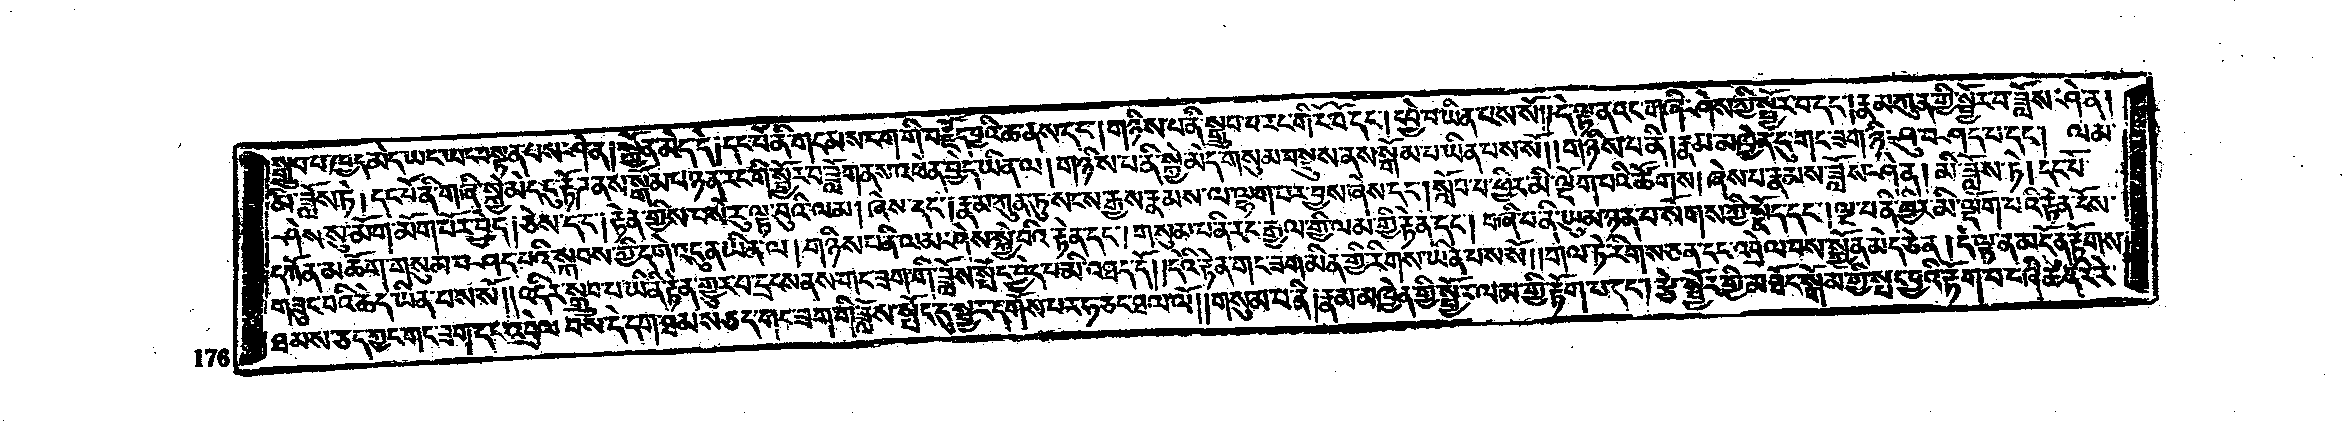སྒྲུབ་པ་ཁྱད་མེད་ཡང་ཡང་བསྟན་པས་ཤེ་ན། སྐྱོན་མེད་དེ། དང་པོ་ནི་གདམས་ངག་གི་བརྗོད་བྱའི་ཆ་ནས་དང་། གཉིས་པ་ནི་སྒྲུབ་པ་རང་གི་ངོ་བོ་དང་། དབྱེ་བ་ཡིན་པས་སོ། །དེ་ལྟ་ནའང་གཞི་ཤེས་ཀྱི་སྦྱོར་བ་དང་། རྣམ་ཀུན་གྱི་སྦྱོར་བ་ཟློས་ཤེ་ན།
མི་ཟློས་ཏེ། དང་པོ་ནི་གཞི་སྐྱེ་མེད་དུ་རྟོགས་ནས་སྒོམ་པ་ཉན་རང་གི་སྦྱོར་བ་ཟློག་ནས་འཕེན་བྱེད་ཡིན་ལ། གཉིས་པ་ནི་སྐྱེ་མེད་གསུམ་བསྡུས་ནས་སྒོམ་པ་ཡིན་པས་སོ། །གཉིས་པ་ནི། རྣམ་མཁྱེན་དུ་གང་ཟག་ཉི་ཤུ་བཤད་པ་དང་། ལམ་
ཤེས་སུ་མོག་མོག་པོར་བྱེད། ཅེས་དང་། རྟེན་གྱིས་བསེ་རུ་ལྟ་བུའི་ལམ། ཞེས་དང་། རྣམ་ཀུན་ཏུ་སངས་རྒྱས་རྣམས་ལ་ལྷག་པར་བྱས་ཞེས་དང་། སློབ་པ་ཕྱིར་མི་ལྡོག་པའི་ཚེགས། ཞེས་པ་རྣམས་ཟློས་ཤེ་ན། མི་ཟློས་ཏེ། དང་པོ་
དཀོན་མཆོག་གསུམ་བཤད་པའི་སྐབས་ཀྱི་དགེ་འདུན་ཡིན་ལ། གཉིས་པ་ནི་ལམ་ཤེས་སྐྱེ་བའི་རྟེན་དང་། གསུམ་པ་ནི་རང་རྒྱལ་གྱི་ལམ་གྱི་རྟེན་དང་། བཞི་པ་ནི་ཡུམ་ཉན་པ་སོགས་ཀྱི་སྣོད་དང་། ལྔ་པ་ནི་ཕྱིར་མི་ལྡོག་པའི་རྟེན་ངོས་
གཟུང་བའི་ཆེད་ཡིན་པས་སོ། །འདིར་སྒྲུབ་པ་ཡི་ནི་རྟེན་གྱུར་པ་དྲངས་ནས་གང་ཟག་གི་ཟློས་སྤོང་བྱེད་པ་མི་འཐད་དོ། །དེའི་རྟེན་གང་ཟག་མིན་གྱི་རིགས་ཡིན་པས་སོ། །གལ་ཏེ་རིགས་ཅན་དང་འབྲེལ་བས་སྐྱོན་མེད་ཅེ་ན། དེ་ལྟ་ན་མངོན་རྟོགས་
ཐམས་ཅད་ཀྱང་གང་ཟག་དང་འབྲེལ་བས་དེ་དག་ཐམས་ཅད་གང་ཟག་གི་ཟློས་སྤོང་དུ་སྦྱར་དགོས་པར་ཧ་ཅང་ཐལ་ལོ། །གསུམ་པ་ནི། རྣམ་མཁྱེན་གྱི་སྦྱོར་ལམ་གྱི་རྟོག་པ་དང་། རྩེ་སྦྱོར་གྱི་མཐོང་སྒོམ་གྱི་སྤང་བྱའི་རྟོག་པ་བཞི་ཚན་རེ་རེ་